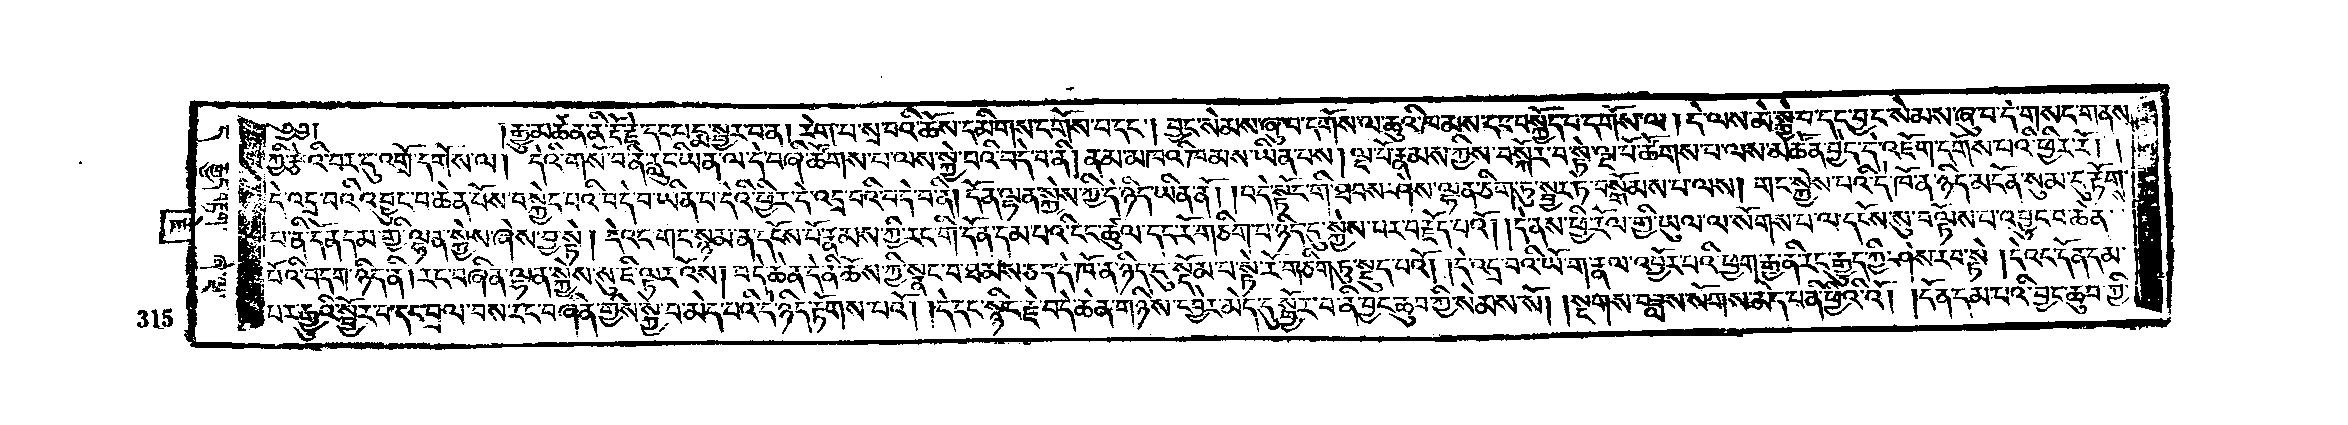༄༅། །རྒྱུ་མཚན་ནི་རྡོ་རྗེ་དང་པདམ་སྦྱར་བ་ན། རེག་པ་སྲ་བའི་ཆོས་དམིགས་དགོས་པ་དང་། བྱང་སེམས་ཞུ་བ་དགོས་ལ་ཆུའི་ཁམས་དང་བསྐྱོད་པ་དགོས་ལ། དེ་ལས་མེ་སྐྱེ་བ་དང་བྱང་སེམས་ཞུ་བ་དེ་གསང་གནས་
ཀྱི་རྩེའི་བར་དུ་འགྲོ་དགོས་ལ། དེའི་གསོ་བ་ནི་རླུང་ཡིན་ལ་དེ་བཞི་ཚོགས་པ་ལས་སྐྱེ་བའི་བདེ་བ་ནི། ནམ་མཁའི་ཁམས་ཡིན་པས། ལྔ་པོ་རྣམས་ཀྱིས་བསྐོར་བ་སྟེ་ལྔ་པོ་ཚོགས་པ་ལས་མཚོན་བྱེད་དེ་འཇོག་དགོས་པའི་ཕྱིར་རོ། །
དེ་འདྲ་བའི་འབྱུང་བ་ཆེན་པོས་བསྐྱེད་པའི་བདེ་བ་ཡིན་པ་དེའི་ཕྱིར་དེ་འདྲ་བའི་བདེ་བ་ནི། དོན་ལྷན་སྐྱེས་ཀྱི་དེ་ཉིད་ཡིན་ནོ། །བདེ་སྟོང་གི་ཐབས་ཤེས་ལྷན་ཅིག་ཏུ་སྦྱར་ཏེ་བསྒོམས་པ་ལས། གང་སྐྱེས་པའི་དེ་ཁོ་ན་ཉིད་མངོན་སུམ་དུ་རྟོགས་
པ་ནི་དོན་དམ་གྱི་ལྷན་སྐྱེས་ཞེས་བྱ་སྟེ། དེའང་གང་སྙམ་ན་དངོས་པོ་རྣམས་ཀྱི་རང་གི་དོན་དམ་པའི་ངང་ཚུལ་དང་རོ་གཅིག་པ་ཉིད་དུ་སྐྱེས་པར་བརྗོད་པའོ། །དེ་ནས་ཕྱི་རོལ་གྱི་ཡུལ་ལ་སོགས་པ་ལ་དངོས་སུ་བལྟོས་པ་འབྱུང་བ་ཆེན་
པོའི་བདག་ཉིད་ནི། རང་བཞིན་ལྷན་སྐྱེས་སུ་ཇི་ལྟར་འོས། བདེ་ཆེན་དེ་ནི་ཆོས་ཀྱི་སྣང་བ་ཐམས་ཅད་དེ་ཁོ་ན་ཉིད་དུ་སྡོམ་པ་སྟེ་རོ་གཅིག་ཏུ་སྡུད་པའོ། །དེ་འདྲ་བའི་ཡོ་ག་རྣལ་འབྱོར་བའི་ཕྱག་རྒྱ་ནི་རང་རྒྱུད་ཀྱི་ཤེས་རབ་སྟེ། དེའང་དོན་དམ་
པར་རྒྱུའི་སྦྱོར་བ་དང་བྲལ་བས་རང་བཞིན་གྱིས་སྐྱེ་བ་མེད་པའི་དེ་ཉིད་རྟོགས་པའོ། །དེ་དང་སྙིང་རྗེ་བདེ་ཆེན་གཉིས་དབྱེར་མེད་དུ་སྦྱོར་བ་ནི་བྱང་ཆུབ་ཀྱི་སེམས་སོ། །སྔགས་བཟླས་སོགས་མེད་པ་ནི་ཕྱིའི་འོ། །དོན་དམ་པའི་བྱང་ཆུབ་ཀྱི་